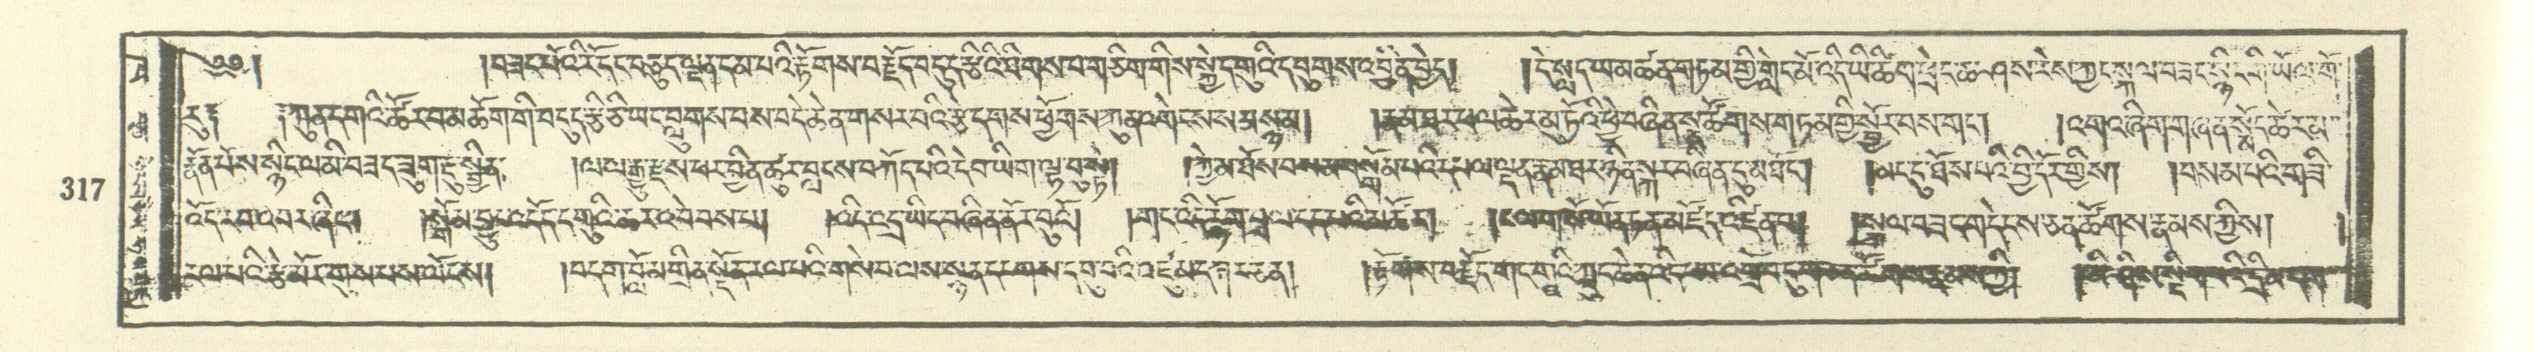༄༅། །བཟང་པོའི་རོ་དང་བཅུད་ལྡན་དམ་པའི་རྟོགས་བརྗོད་བདུད་རྩིའི་ཐིགས་པ་གཅིག་གིས་སྐྱེ་དགུའི་དབུགས་འབྱིན་བྱེད། །དེ་སླད་ཡ་མཚན་གཏམ་གྱི་གླེང་མོ་འདི་ཡི་ཚིག་ཕྲེང་ཆ་ཤས་རེས་ཀྱང་སྐལ་བཟང་སྙིང་གི་ཡོལ་གོ་
རུ༑ ༑ཀུན་དགའི་ཚོར་བ་མཆོག་གི་བདུད་རྩི་ཅི་ཡང་བླུགས་པས་བདེ་ཆེན་གསར་བའི་རྩེ་དགས་ཕྱོགས་ཀུན་འགེངས་སམ་སྙམ། །རྣམ་ཐར་ཕལ་ཆེར་མུ་ཏོའི་ཕྱེ་བཞིན་སྣ་ཚོགས་གཏམ་གྱི་སྦྱོར་བས་གང་། །འགའ་ཞིག་གཞན་སྨོད་ཚེར་མ་
རྣོན་པོས་སྙིང་ལ་མི་བཟད་ཟུག་རྡུ་སྦྱིན། །ལ་ལ་རྒྱུ་རྫས་ཕར་ཕྱིན་ཚུར་བླངས་བཀོད་པའི་དེབ་ཡིག་ལྟ་བུ་སྟེ། །ཀྱེ་མ་ཐོས་བསམ་བསྒོམ་པའི་དཔལ་ལྡན་རྣམ་ཐར་ཉིན་སྐར་བཞིན་དུ་མཐོང་། །མང་དུ་ཐོས་པའི་བྱི་དོར་གྱིས། །བསམ་པའི་གཟི་
འོད་རབ་འབར་ཞིང་། །སྒོམ་བྱུང་འདོད་དགུའི་ཆར་འབེབས་པ། །འདི་འདྲ་ཡིད་བཞིན་ནོར་བུའོ། །གང་འདི་རྙོག་བྲལ་དད་པའི་མཚོར། །ངལ་གསོ་ཡོན་ཏན་མཛོད་འཛིན་པ། །སྐལ་བཟང་གདེངས་ཅན་ཚོགས་རྣམས་ཀྱིས། །
རལ་པའི་རྩེ་མོར་གུས་པས་ལོངས། །བདག་བློ་མགྲིན་སྔོན་རལ་པའི་གསེབ་ལས་སྙན་དངགས་དབུ་བའི་འཛུམ་དཀར་ཅན། །རྟོགས་བརྗོད་གང་གཱའི་ཀླུང་ཆེན་འདི་ཕ་བ་འགྲོ་བ་དུག་ཅན་ཚོགས་རྣམས་ཀྱི། །མི་ཤིས་སྡིག་པའི་དྲི་མ་དག་